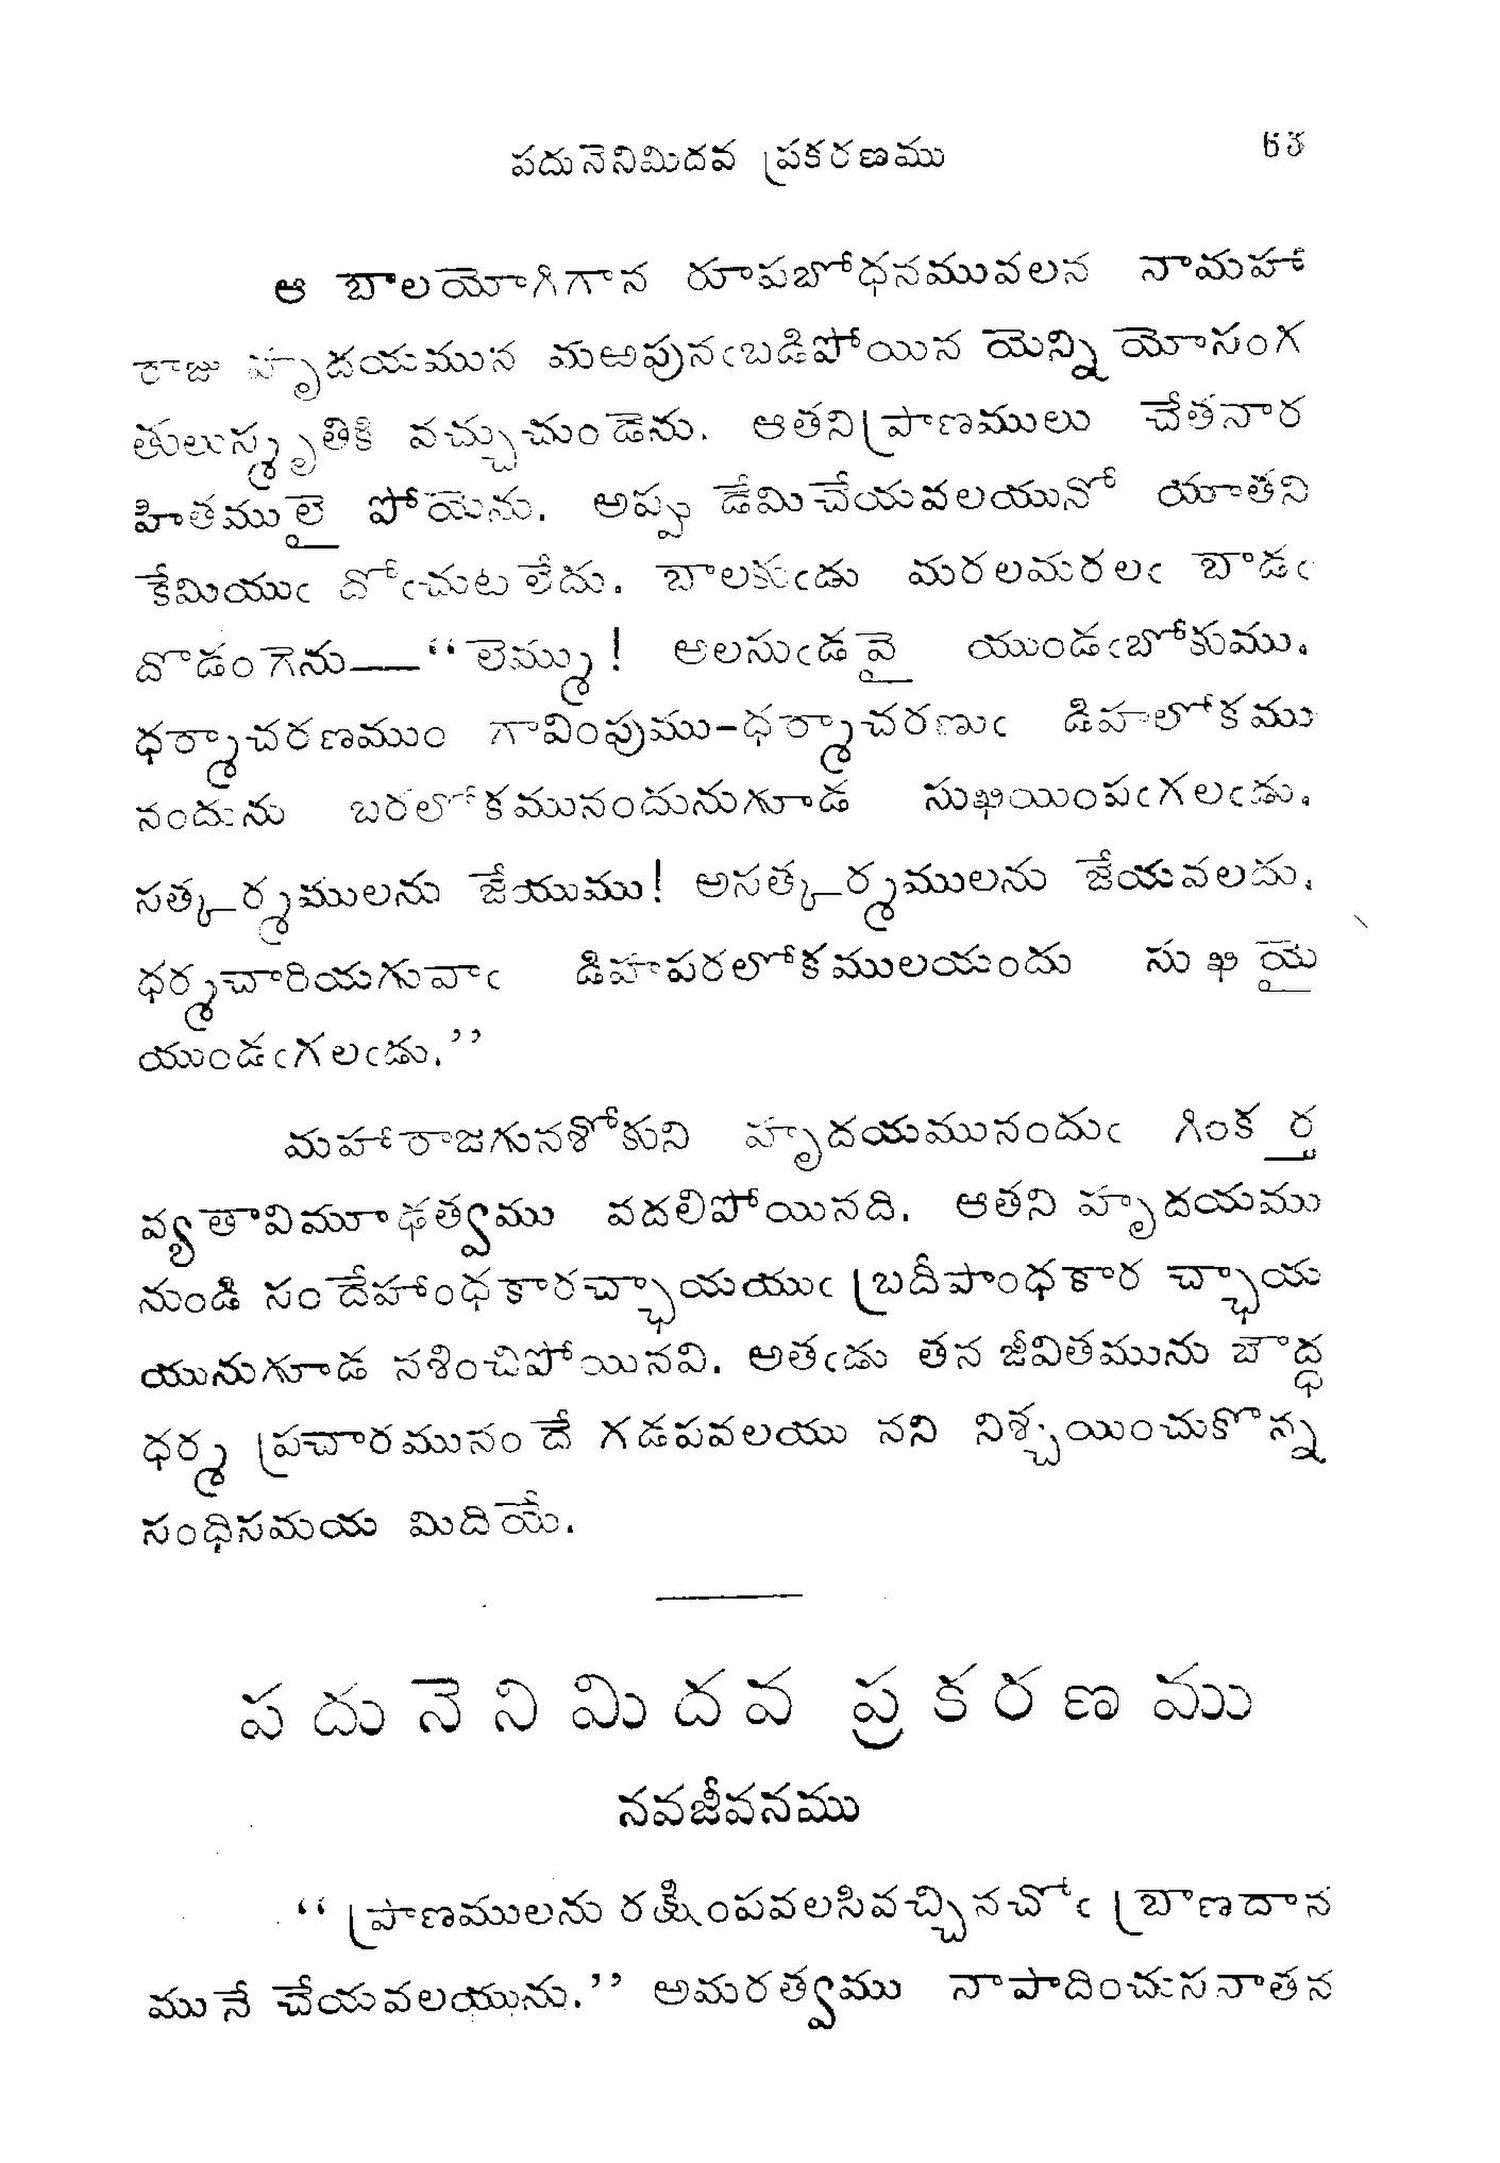ఆ బాలయోగిగాన రూపబోధనమువలన నామహారాజు హృదయమున మఱపునఁబడిపోయిన యెన్ని యోసంగతులు స్మృతికి వచ్చుచుండెను. అతని ప్రాణములు చేతనారహితము లై పోయెను. అప్పుడేమి చేయవలయునో యాతని కేమియుఁ దోచుట లేదు. బాలకుఁడు మర లమరలఁ బాడఁదొడంగెను—— " లెమ్ము ! ఆలసుఁడవై యుండఁబోకుము. ధర్మాచరణముం గావింపుము-ధర్మాచరణుఁ డిహలోకము నందును బరలోకమునందునుగూడ సుఖియింపగలడు. సత్కర్మములను జేయుము ! అసత్కర్మములను జేయవలదు, ధర్మచారియగువాఁ డిహపరలోకములయందు యుండఁగలఁడు."

మహా రాజగునశోకుని హృదయమునందుఁ గింకర్త వ్యతావి మూఢత్వము వదలిపోయినది. ఆతని హృదయము నుండి సందేహాంధ కారచ్ఛాయయుఁ బ్రదీపాంధకార చ్ఛాయయునుగూడ సశించిపోయినవి. అతఁడు తన జీవితమును బౌద్దధర్మ ప్రచారమునం దే గడపవలయు నని నిశ్చయించుకొన్న సంధిసమయ మిదియే.

పదునెనిమిదవ ప్రకరణము

“ ప్రాణములను రక్షింపవలసివచ్చినచోఁ బ్రాణ దానము నే చేయవలయును.” అమరత్వము నాపాదించుసనాతన